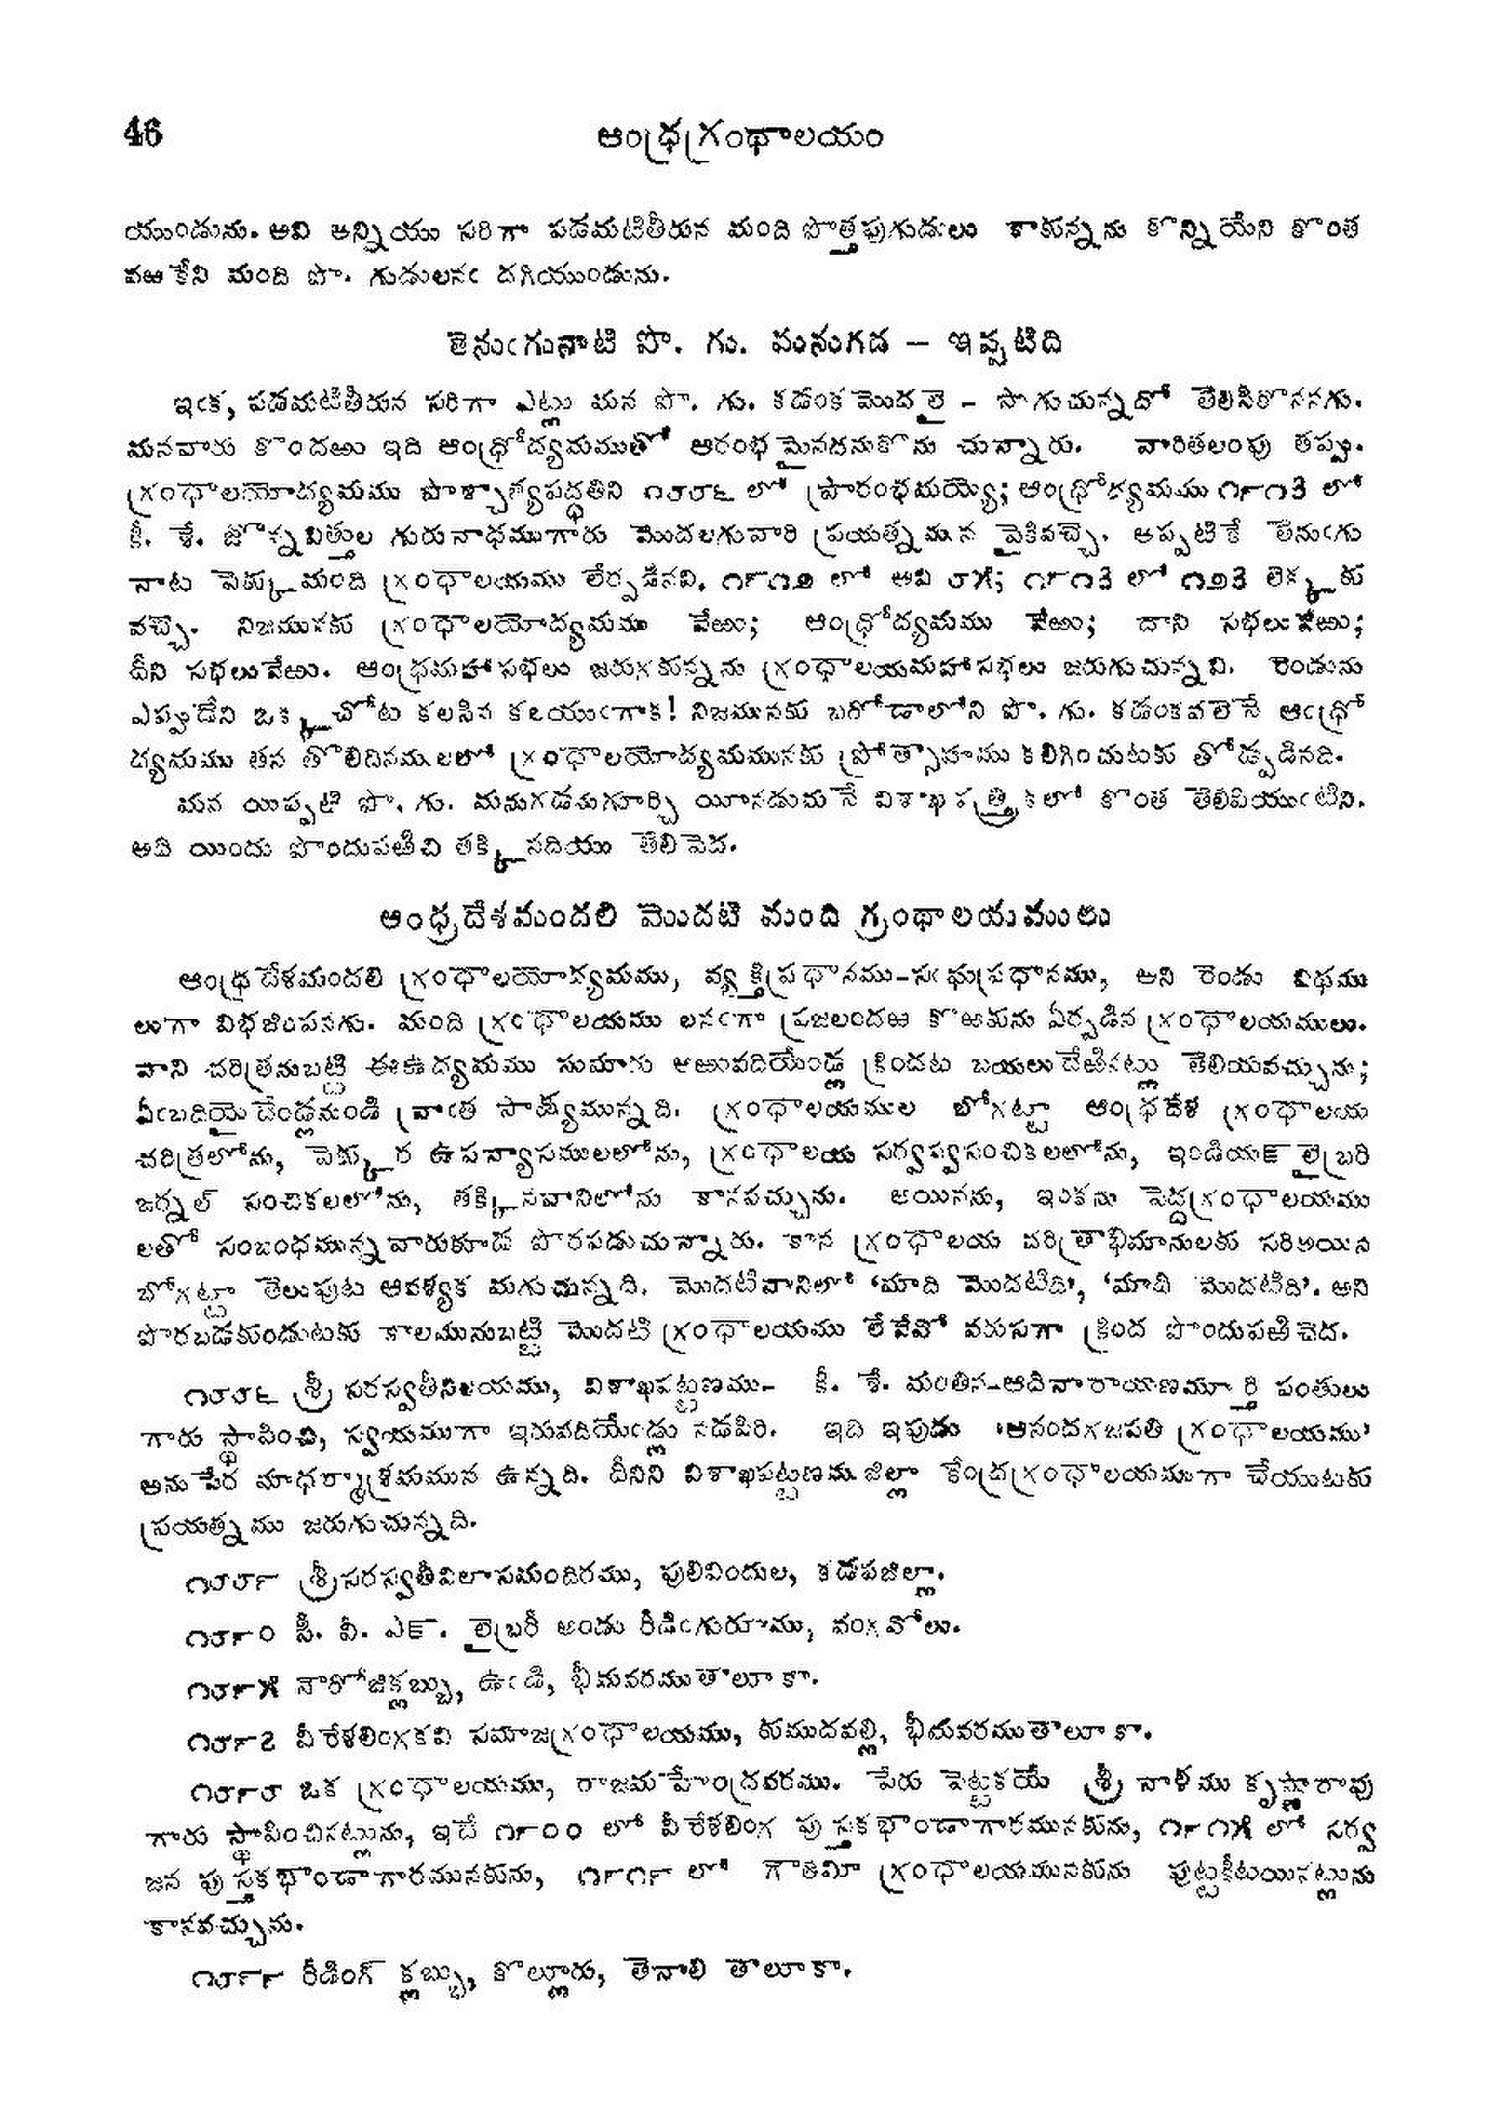యుండును. అవి అన్నియు సరిగా పడమటితీరున మంది పొత్తపుగుడులు కాకున్నను కొన్ని యెని కొంత వఱకేని మంది 
పొ. గుడులనఁ దగియుండును.

ఇంక, పడమటితీరున సరిగా ఎట్లు మన పొ. గు. కడంక మొదలై - పొగుచున్నదో తెలిసికొననగు. మనవారు కొందఱు ఇది ఆంధ్రోద్యమముతో ఆరంభ మైనదనుకొను చున్నారు. వారితలంపు తప్పు. గ్రంథాలయోద్యమము పాశ్చాత్యపద్ధతిని ౧౮౮౬ లో ప్రారంభమయ్యే; ఆంధ్రోద్యమము ౧౯౧౩ లో కీ.శే. జొన్నవిత్తుల గురునాధముగారు మొదలగువారి ప్రయత్నమన పైకివచ్చె, 
అప్పటికే తెనుఁగు నాట పెక్కుమంది గ్రంధాలయము లేర్పడినవి. ౧౯౧౨ లో అవి ౮౫; ౧౯౧౩ లో ౧౨3 లెక్కకు వచ్చే. 
నిజమునకు గ్రంధాలయోద్యమము వేఱు; ఆంధ్రోద్యమము జేఱు; దాని సభలు వేఱు; దీని సభలు వేఱు. ఆంధ్రమహాసభలు 
జరుగకున్నను గ్రంధాలయమహాసభలు జరుగుచున్నవి. రెండును ఎప్పుడేని ఒక్క చోట కలిసిన కలయుఁగాక! నిజమునకు 
బరోడాలోని పొ.గు. కడంకవలెనే ఆంధ్రోద్యమము తన తొలిదినములలో గ్రంథాలయోద్యమమునకు ప్రోత్సాహము కలిగించుటకు 
తోడ్పడినది.

మన యిప్పటి పొ, గు. మనుగడను గూర్చి యీనడుమనే విశాఖ పత్రికలో కొంత తెలిపియుంటిని. అది యిందు పొందుపఱిచి 
తక్కిసదియు తెలిపెద.

ఆంధ్ర దేశమందలి గ్రంథాలయోద్యమము, వ్యక్తిప్రధానము - సంఘప్రధానము, అని రెండు విధములుగా విభజింపనగు. 
మంది గ్రంథాలయము లనఁగా ప్రజలందఱ కొఱకును ఏర్పడిన గ్రంథాలయములు. వాని చరిత్రనుబట్టి ఈఉద్యమము సుమారు అఱువదియేండ్ల క్రిందట బయలుదేఱినట్లు తెలియవచ్చును; ఏఁబదియై బేండ్లనుండి వ్రాఁత సాక్ష్యమున్నది. గ్రంధాలయముల
బోగట్టా. ఆంధ్రదేశ గ్రంధాలయచరిత్రలోను, పెక్కుర ఉపన్యాసములలోను, గ్రంధాలయ సర్వస్వసంచికలలోను, ఇండియ౯ 
లైబ్రరీ జర్నల్ సంచికలలోను, తక్కినవానిలోను కానవచ్చును. అయినను, ఇంకను పెద్ద గ్రంధాలయములతో సంబంధమున్న 
వారుకూడ పొరపడుచున్నారు. కానీ గ్రంధాలయ చరిత్రాభిమానులకు సరి అయిన బోగట్టా తెలుపుట ఆవశ్యకమగుచున్నది. 
మొదటివానిలో 'మాది మొదటిది', మాది 'మొదటిది'. అని పొరబడకుండుటకు కాలమునుబట్టి మొదటి గ్రంథాలయము 
లేవేవో వరుసగా క్రింద పొందుపఱిచెద.

౧౮౮౬ శ్రీ సరస్వతీ నిలయము, విశాఖపట్టణము - కీ.శే. మంతిన-ఆదినారాయణమూర్తి పంతులు గారు స్థాపించి, స్వయముగా ఇనుపదియేండ్లు నడపిరి. ఇది ఇపుడు "ఆనందగజపతి గ్రంథాలయము అను పేర మాధర్మాశ్రమమున ఉన్నది. దీనిని విశాఖపట్టణను జిల్లా కేంద్రగ్రంథాలయముగా చేయుటకు ప్రయత్నము జరుగుచున్నది.

౧౮౮౯ శ్రీ సరస్వతీ విలాసమందిరము, పులివిందుల, కడపజిల్లా,

౧౮౯౦ సీ.వీ.ఎ౯. లైబ్రరీ అండు రీడింగురుము, వంగఓలు.

౧౮౯౫ నౌరోజిక్లబ్బు, ఉఁడి, భీమవరముతాలూకా 

౧౮౯౭ వీరేశలింగకవి సమాజ గ్రంథాలయము, కుముదవల్లి, భీమవరముతాలూకా 
 
౧౮౯౮ ఒక గ్రంథాలయము, రాజమహేంద్రవరము. పేరు పెట్టకయే శ్రీ నాళము కృష్ణారావు గారు స్థాపించినట్లును, ఇదే ౧౯౦౦ లో వీరేశలింగ పుస్తక భాండాగారమునకును, ౧౯౧౫ లో సర్వజన పుస్తక భాండాగారమునకును, ౧౯౧౯ లో గౌతమీ గ్రంథలయమునకును పుట్టకీటయినట్లును కానవచ్చును.

౧౮౯౯ రీడింగ్ క్లబ్బు, కొల్లూరు, తెనాలి తాలూకా.